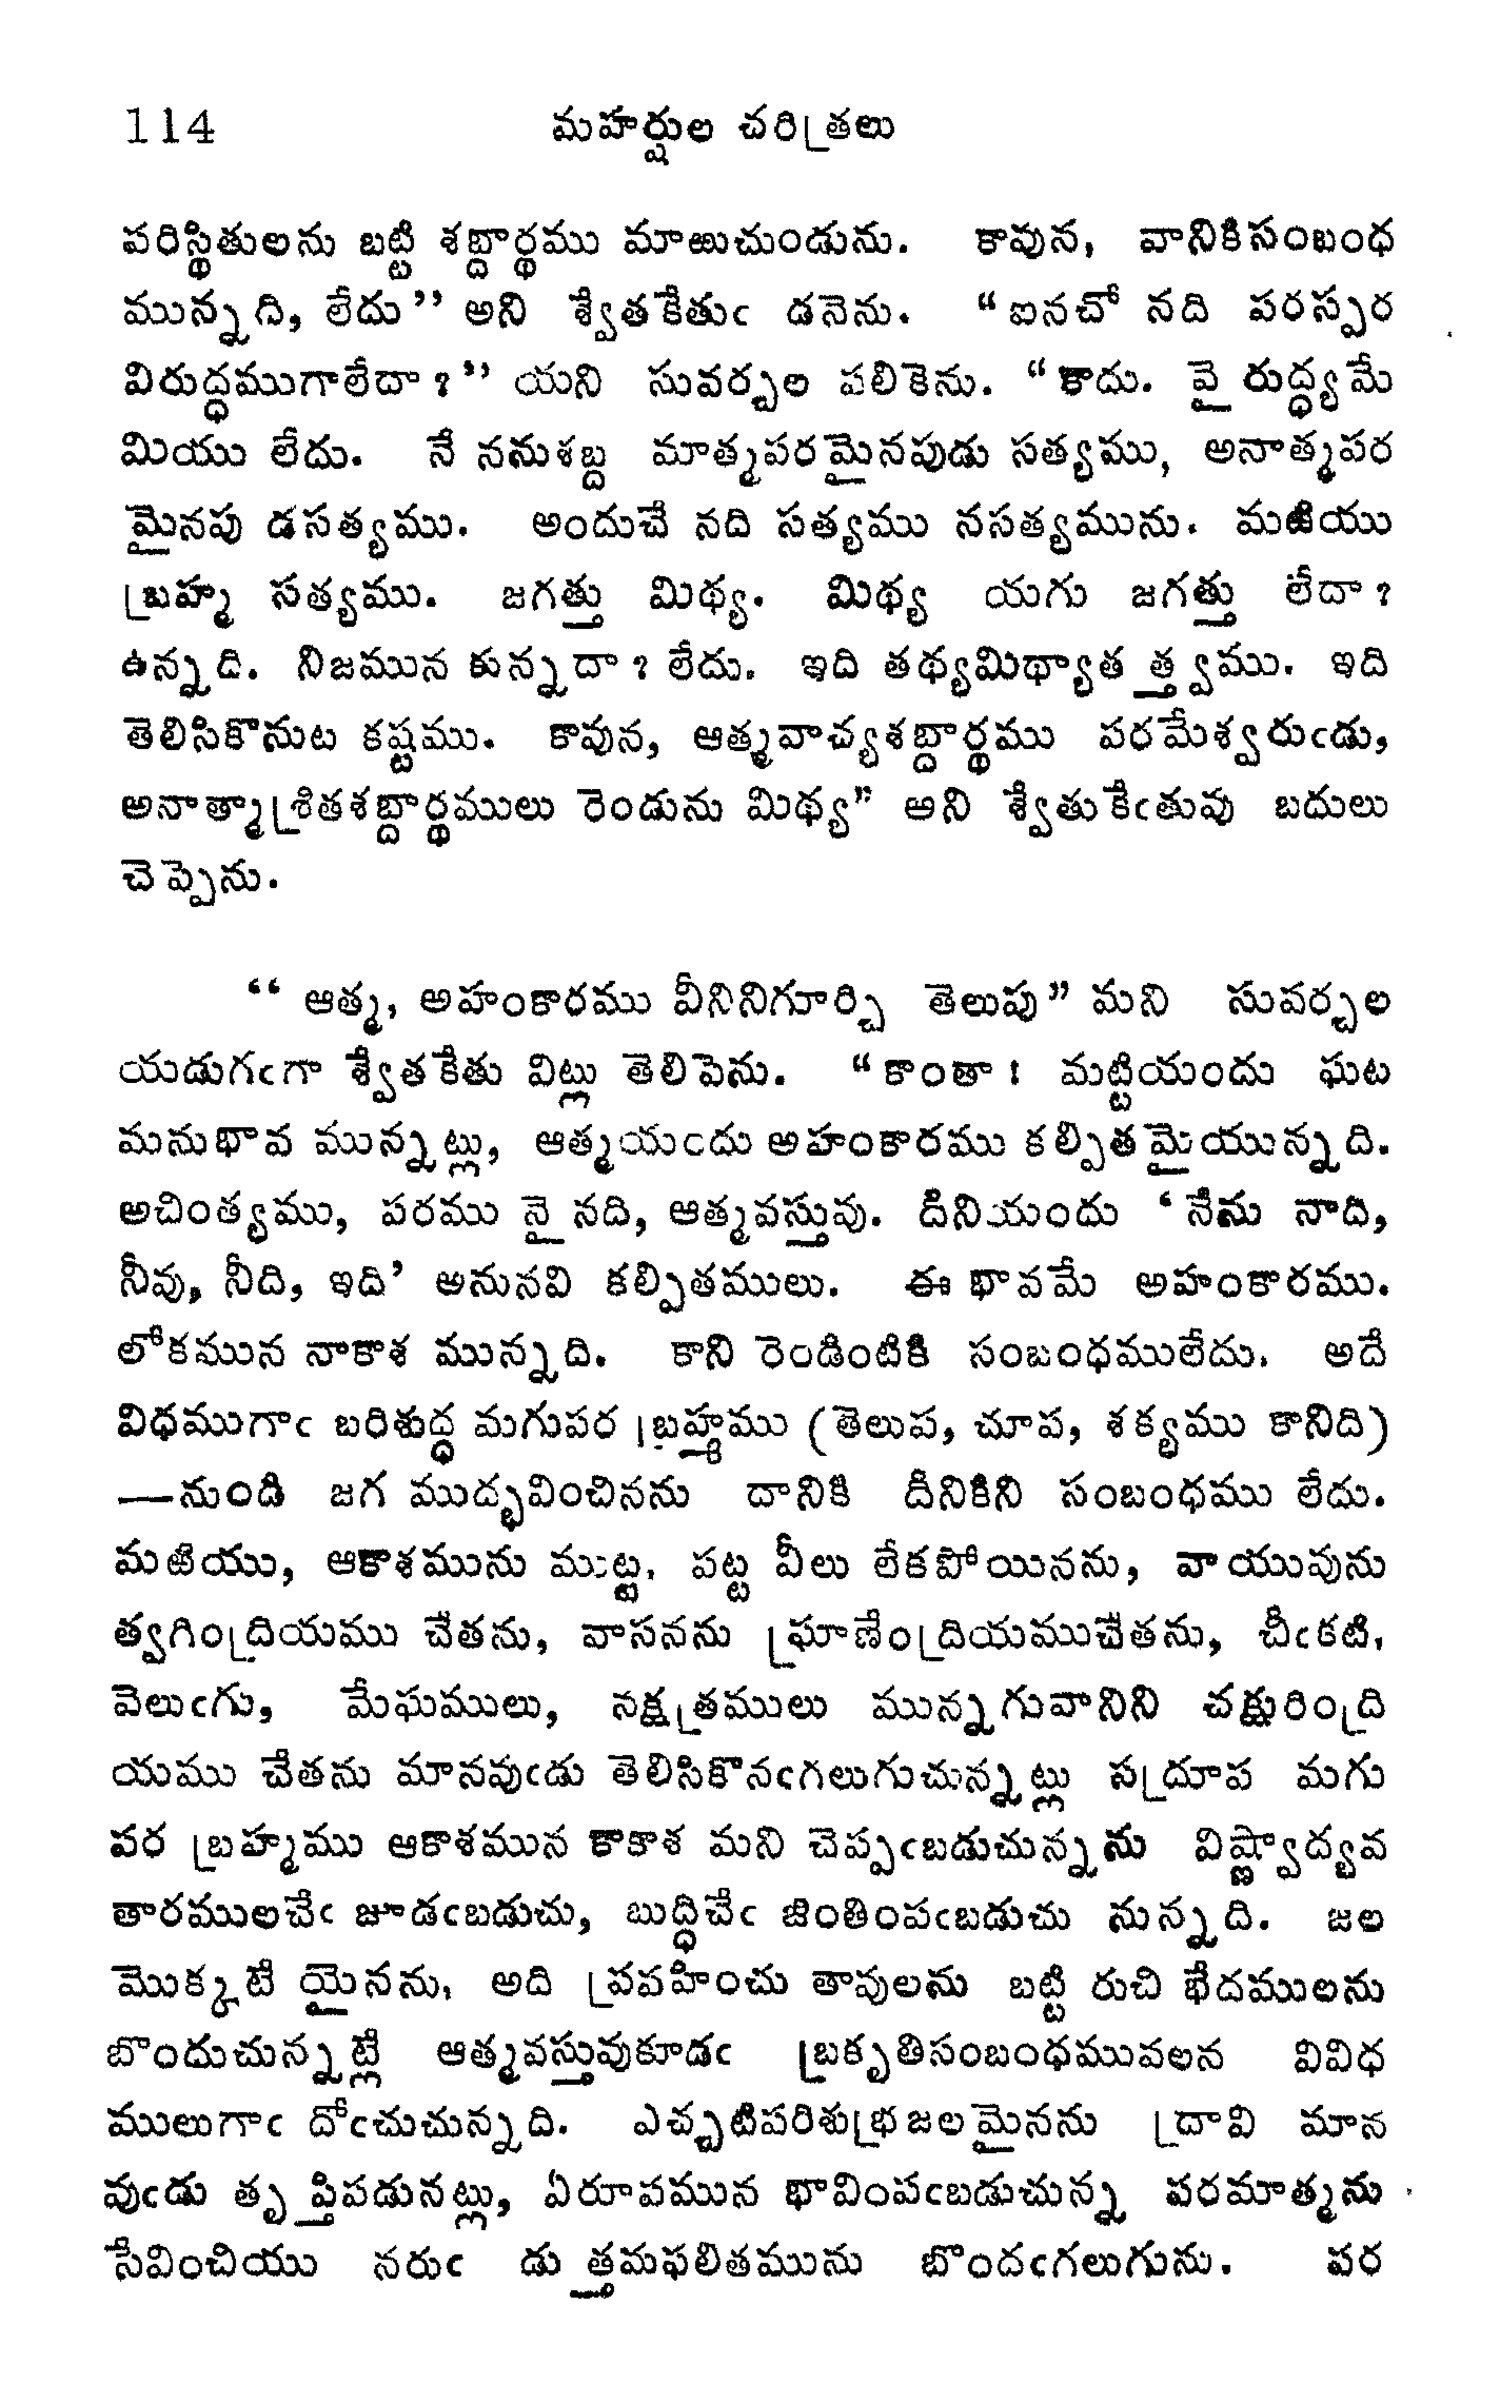పరిస్థితులను బట్టి శబ్దార్థము మాఱుచుండును. కావున, వానికిసంబంధ మున్నది, లేదు ” అని శ్వేతకేతుఁ డనెను. "ఐనచో నది పరస్పర . విరుద్ధముగాలేదా?” యని సువర్చల పలికెను. "కాదు. వై రుధ్యమేమియు లేదు. నే ననుశబ్ద మాత్మపరమైనపుడు సత్యము, అనాత్మపరమైనపు డసత్యము. అందుచే నది సత్యము నసత్యమును. మఱియు బ్రహ్మ సత్యము. జగత్తు మిథ్య. మిథ్య యగు జగత్తు లేదా ? ఉన్నది. నిజమున కున్నదా ? లేదు. ఇది తథ్యమిథ్యాతత్త్వము. ఇది తెలిసికొనుట కష్టము. కావున, ఆత్మవాచ్యశబ్దార్థము పరమేశ్వరుఁడు, అనాత్మాశ్రితశబ్దార్థములు రెండును మిథ్య" అని శ్వేతుకేఁతువు బదులు చెప్పెను.

“ఆత్మ, అహంకారము వీనినిగూర్చి తెలుపు” మని సువర్చల యడుగఁగా శ్వేతకేతు విట్లు తెలిపెను. "కాంతా ! మట్టియందు ఘట మనుభావ మున్నట్లు, ఆత్మయందు అహంకారము కల్పితమైయున్నది. అచింత్యము, పరము నై నది, ఆత్మవస్తువు. దీనియందు “ నేను నాది, నీవు, నీది, ఇది' అనునవి కల్పితములు. ఈ భావమే అహంకారము. లోకమున నాకాశ మున్నది. కాని రెండింటికి సంబంధములేదు. అదే విధముగాఁ బరిశుద్ధ మగుపర బ్రహము (తెలుప, చూప, శక్యము కానిది) - నుండి జగ ముద్భవించినను దానికి దీనికిని సంబంధము లేదు. మఱియు, ఆకాశమును ముట్ట, పట్ట వీలు లేకపోయినను, వాయువును త్వగింద్రియము చేతను, వాసనను ఘాణేంద్రియముచేతను, చీఁకటి, వెలుఁగు, మేఘములు, నక్షత్రములు మున్నగువానిని చక్షురింద్రియము చేతను మానవుఁడు తెలిసికొనఁగలుగుచున్నట్లు సద్రూప మగు పర బ్రహ్మము ఆకాశమున కాకాశ మని చెప్పఁబడుచున్నను విష్ణ్వాద్యవ తారములచేఁ జూడఁబడుచు, బుద్ధిచేఁ జింతింపఁబడుచు నున్నది. జల మొక్కటే యైనను, అది ప్రవహించు తావులను బట్టి రుచి భేదములను బొందుచున్నట్లే ఆత్మవస్తువుకూడఁ బ్రకృతిసంబంధమువలన వివిధములుగాఁ దోఁచుచున్నది. ఎచ్చటిపరిశుభ్రజలమైనను ద్రావి మానవుఁడు తృప్తిపడునట్లు, ఏరూపమున భావింపఁబడుచున్న పరమాత్మను . సేవించియు నరుఁ డుత్తమఫలితమును బొందఁగలుగును. పర